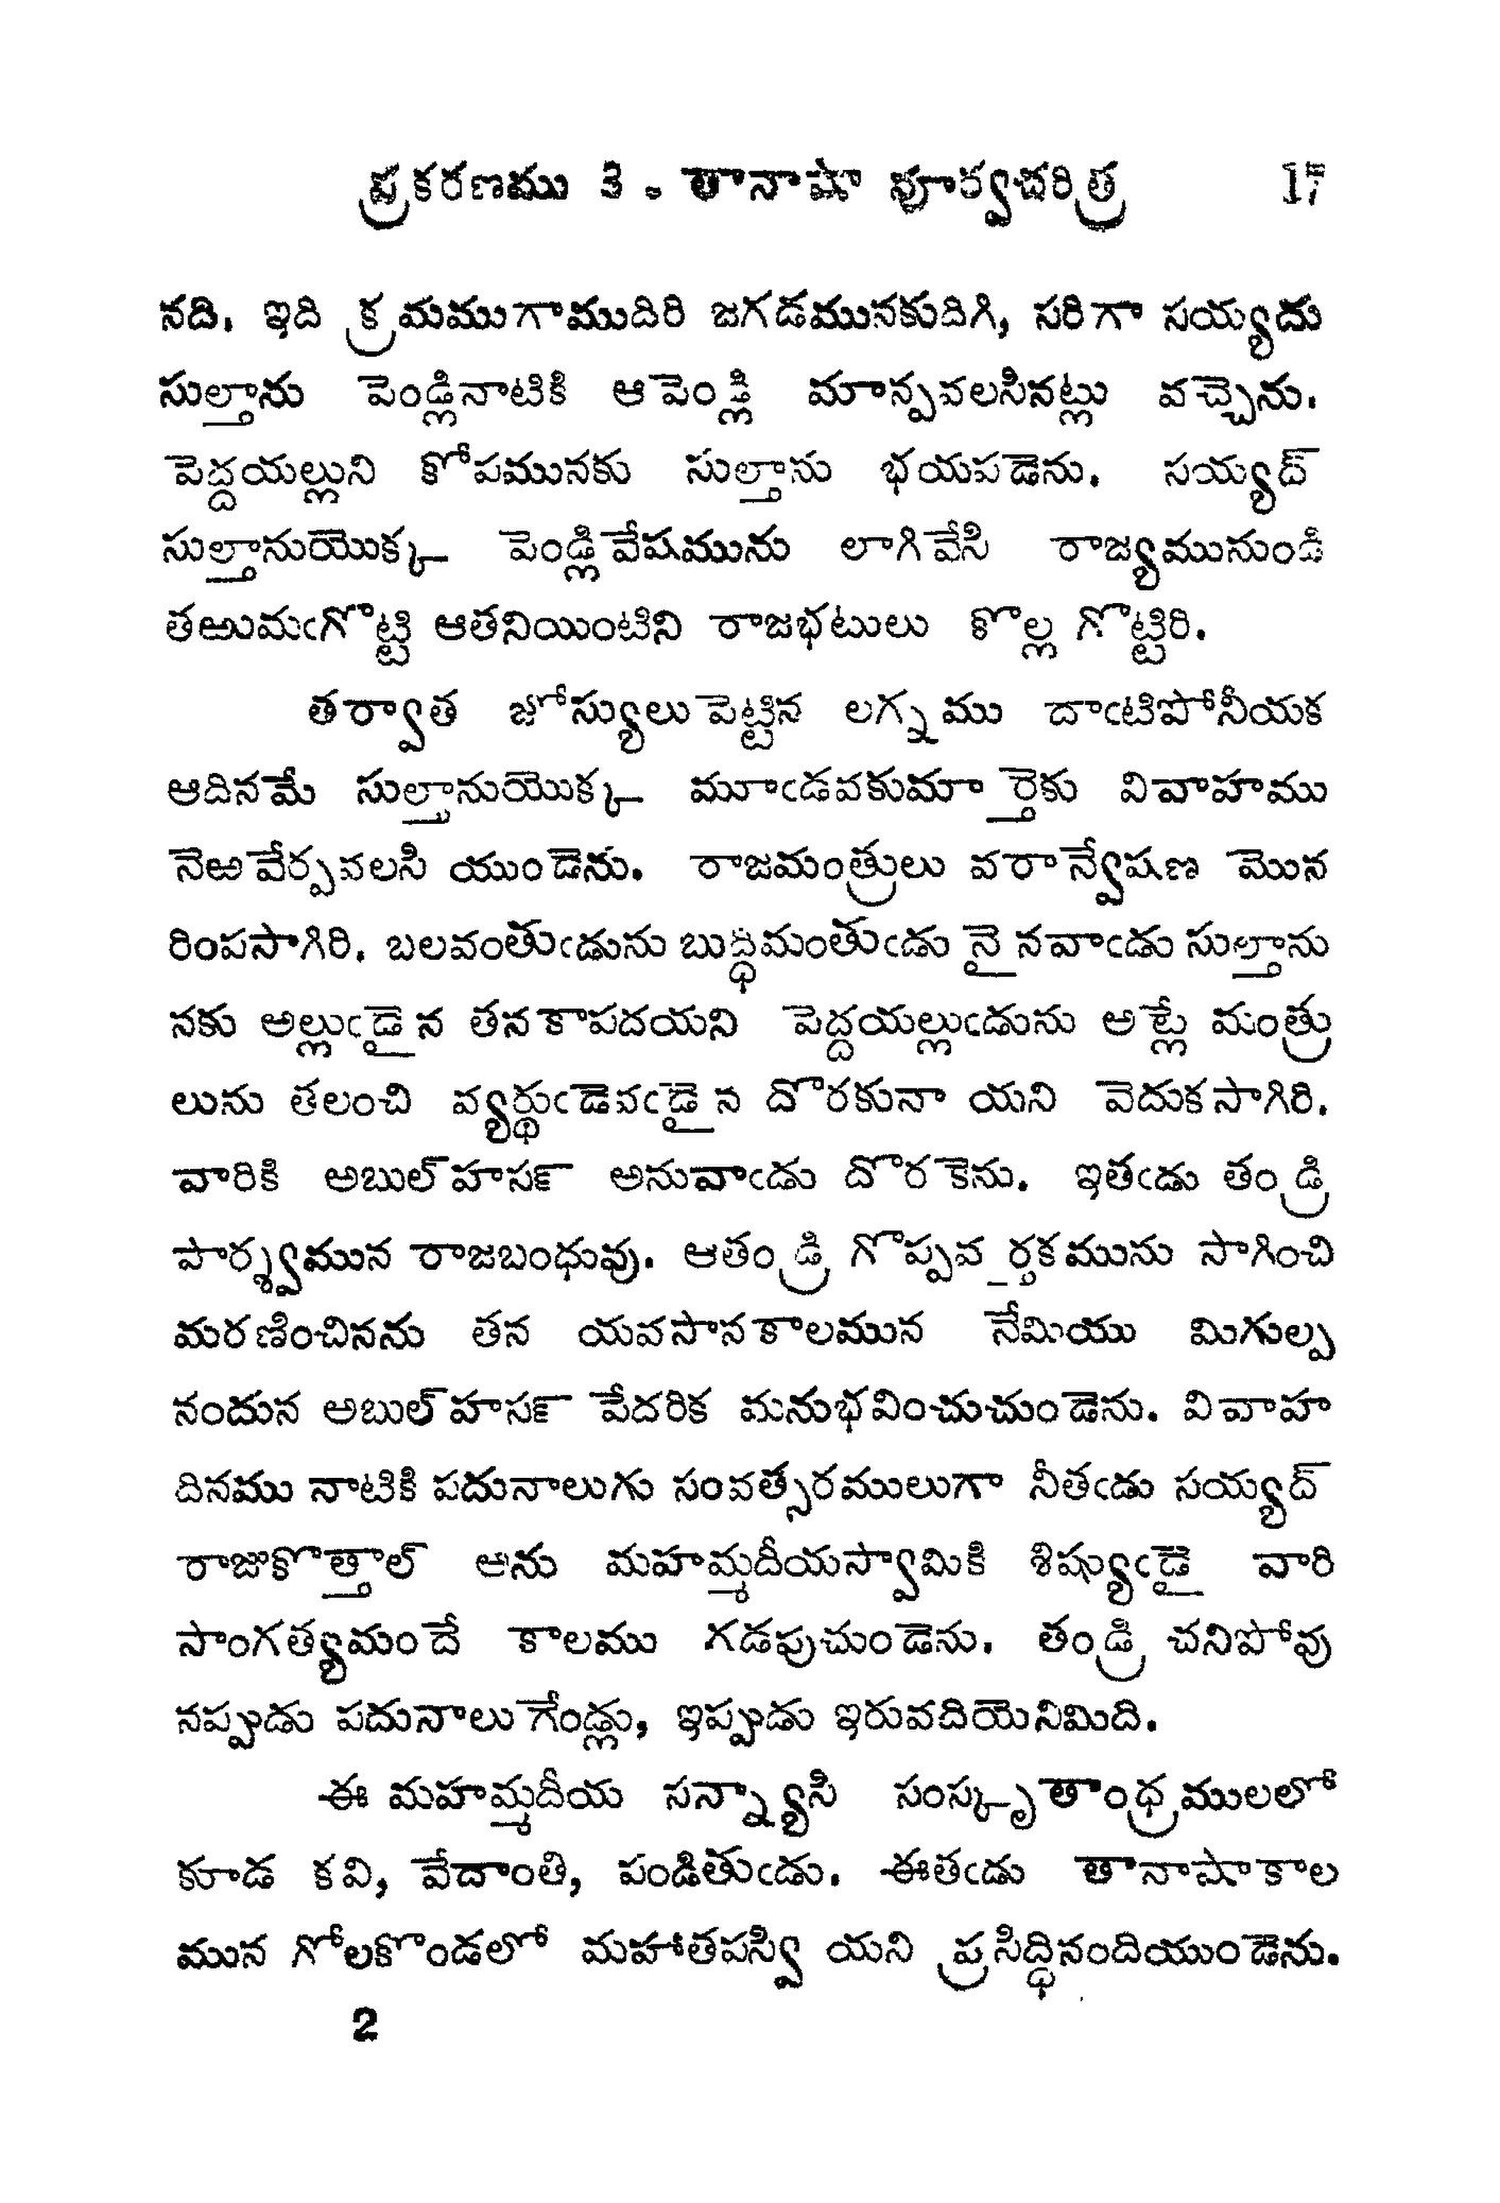నది. ఇది క్రమముగాముదిరి జగడమునకుదిగి, సరిగా సయ్యదు సుల్తాను పెండ్లినాటికి ఆపెండ్లి మాన్పవలసినట్లు వచ్చెను. పెద్దయల్లుని కోపమునకు సుల్తాను భయపడెను. సయ్యద్ సుల్తానుయొక్క పెండ్లివేషమును లాగివేసి రాజ్యమునుండి తఱుమఁగొట్టి ఆతనియింటిని రాజభటులు కొల్ల గొట్టిరి.

తర్వాత జోస్యులుపెట్టిన లగ్నము దాఁటిపోనీయక ఆదినమే సుల్తానుయొక్క మూఁడవకుమార్తెకు వివాహము నెఱవేర్పవలసి యుండెను. రాజమంత్రులు వరాన్వేషణ మొునరింపసాగిరి. బలవంతుఁడును బుద్ధిమంతుఁడు నైనవాఁడు సుల్తానునకు అల్లుఁడైన తనకాపదయని పెద్దయల్లుఁడును అట్లే మంత్రులును తలంచి వ్యర్థుఁడెవఁడైన దొరకునా యని వెదుకసాగిరి. వారికి అబుల్‌హసౝ అనువాఁడు దొరకెను. ఇతఁడు తండ్రి పార్శ్వమున రాజబంధువు. ఆతండ్రి గొప్పవర్తకమును సాగించి మరణించినను తన యవసానకాలమున నేమియు మిగుల్పనందున అబుల్‌హసౝ పేదరిక మనుభవించుచుండెను. వివాహ దినము నాటికి పదునాలుగు సంవత్సరములుగా నీతఁడు సయ్యద్ రాజుకొత్తాల్ అను మహమ్మదీయస్వామికి శిష్యుఁడై వారి సాంగత్యమందే కాలము గడపుచుండెను. తండ్రి చనిపోవునప్పుడు పదునాలుగేండ్లు, ఇప్పుడు ఇరువదియెనిమిది.

ఈ మహమ్మదీయ సన్న్యాసి సంస్కృతాంధ్రములలో కూడ కవి, వేదాంతి, పండితుఁడు. ఈతఁడు తానాషాకాలమున గోలకొండలో మహాతపస్వి యని ప్రసిద్ధినందియుండెను.